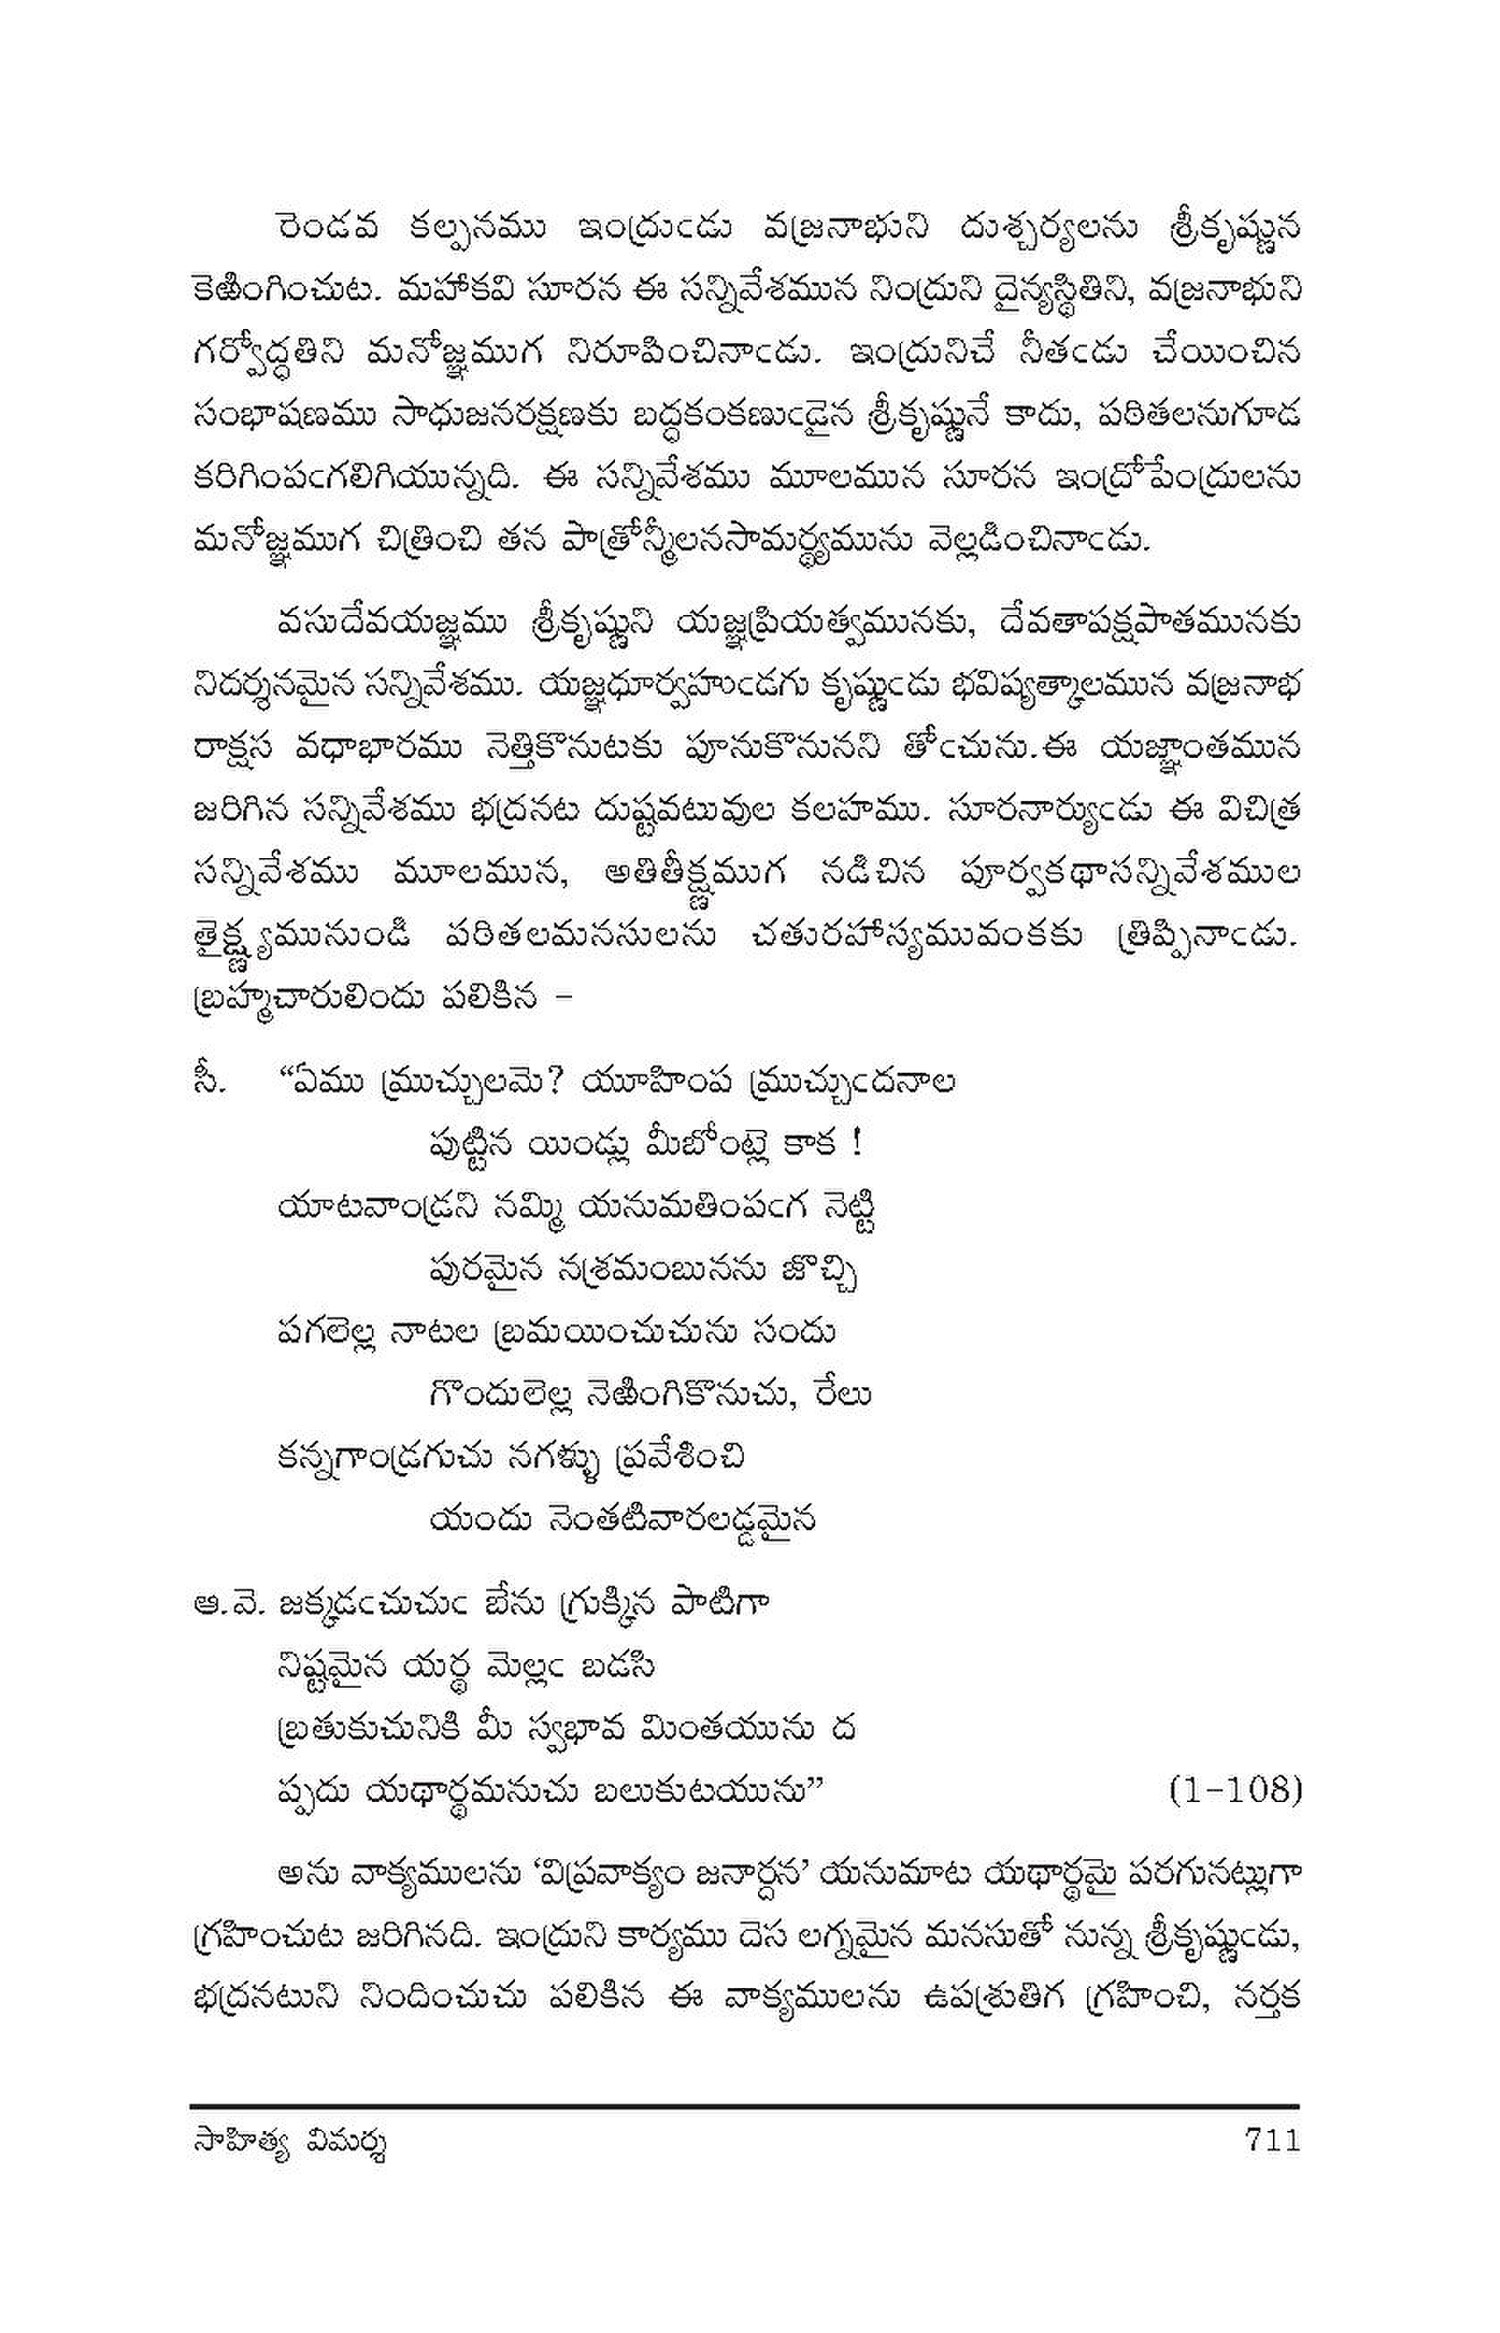రెండవ కల్పనము ఇంద్రుఁడు వజ్రనాభుని దుశ్చర్యలను శ్రీకృష్ణున
కెఱింగించుట. మహాకవి సూరన ఈ సన్నివేశమున నింద్రుని దైన్యస్థితిని, వజ్రనాభుని
గర్వోద్ధతిని మనోజ్ఞముగ నిరూపించినాఁడు. ఇంద్రునిచే నీతఁడు చేయించిన
సంభాషణము సాధుజనరక్షణకు బద్ధకంకణుఁడైన శ్రీకృష్ణునే కాదు, పఠితలనుగూడ
కరిగింపఁగలిగియున్నది. ఈ సన్నివేశము మూలమున సూరన ఇంద్రోపేంద్రులను
మనోజ్ఞముగ చిత్రించి తన పాత్రోన్మీలనసామర్థ్యమును వెల్లడించినాఁడు.

వసుదేవయజ్ఞము శ్రీకృష్ణుని యజ్ఞప్రియత్వమునకు, దేవతాపక్షపాతమునకు
నిదర్శనమైన సన్నివేశము. యజ్ఞదూర్వహుఁడగు కృష్ణుఁడు భవిష్యత్కాలమున వజ్రనాభ
రాక్షస వధాభారము నెత్తికొనుటకు పూనుకొనునని తోఁచును. ఈ యజ్ఞాంతమున
జరిగిన సన్నివేశము భద్రనట దుష్టవటువుల కలహము. సూరనార్యుఁడు ఈ విచిత్ర
సన్నివేశము మూలమున, అతితీక్షముగ నడిచిన పూర్వకథాసన్నివేశముల
తైక్ష్యమునుండి పరితలమనసులను చతురహాస్యమువంకకు త్రిప్పినాఁడు.
బ్రహ్మచారులిందు పలికిన -

సీ. "ఏము మ్రుచ్చులమె? యూహింప మ్రుచ్చుఁదనాల
 పుట్టిన యిండ్లు మీబోంట్ల కాక !
యాటవాండ్రని నమ్మి యనుమతింపఁగ నెట్టి
 పురమైన నశ్రమంబునను జొచ్చి
పగలెల్ల నాటల బ్రమయించుచును సందు
 గొందులెల్ల నెఱింగికొనుచు, రేలు
కన్నగాండ్రగుచు నగళ్ళు ప్రవేశించి
 యందు నెంతటివారలడ్డమైన

ఆ.వె. జక్కడఁచుచుఁ బేను గ్రుక్కిన పాటిగా
నిష్టమైన యర్థ మెల్లఁ బడసి
బ్రతుకుచునికి మీ స్వభావ మింతయును ద
ప్పదు యథార్థమనుచు బలుకుటయును”

అను వాక్యములను 'విప్రవాక్యం జనార్దన' యనుమాట యథార్థమై పరగునట్లుగా
గ్రహించుట జరిగినది. ఇంద్రుని కార్యము దెస లగ్నమైన మనసుతో నున్న శ్రీకృష్ణుఁడు,
భద్రనటుని నిందించుచు పలికిన ఈ వాక్యములను ఉపశ్రుతిగ గ్రహించి, నర్తక